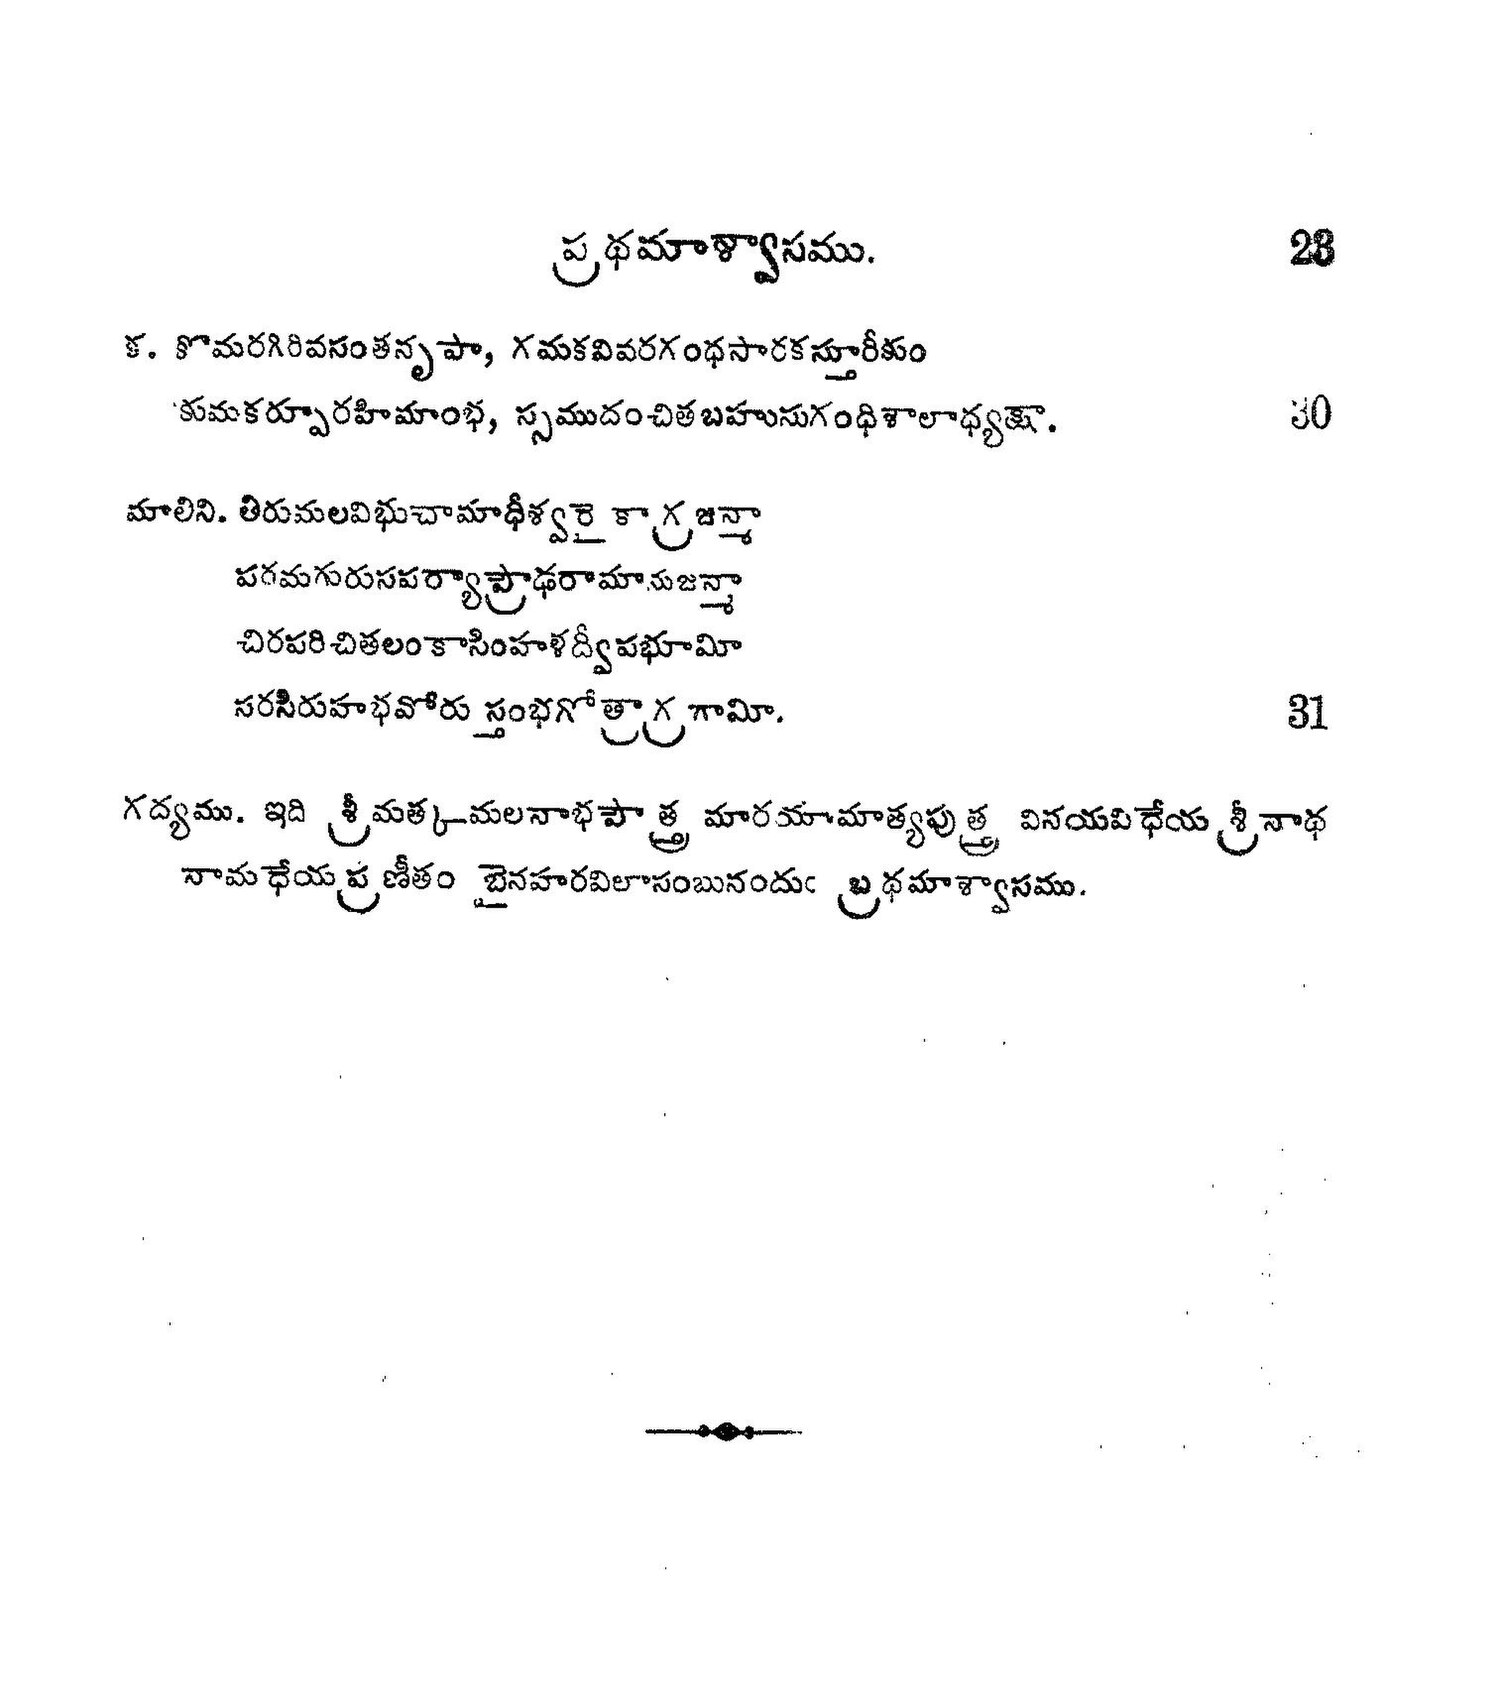క. కొమరగిరి వసంతనృపా, గమకవివరగంధసారకస్తూరీకుం
కుమకర్పూరహిమాంభ, స్సముదంచితబహుసుగంధిశాలాధ్యక్షా. 30

మాలిని. తిరుమలవిభుచామాధీశ్వరైకాగ్రజన్మా
పరమగురుసపర్యాప్రౌఢరామానుజన్మా
చిరపరిచితలంకాసింహళద్వీపభూమీ
సరసిరుహభవోరుస్తంభగోత్రాగ్రగామీ. 31